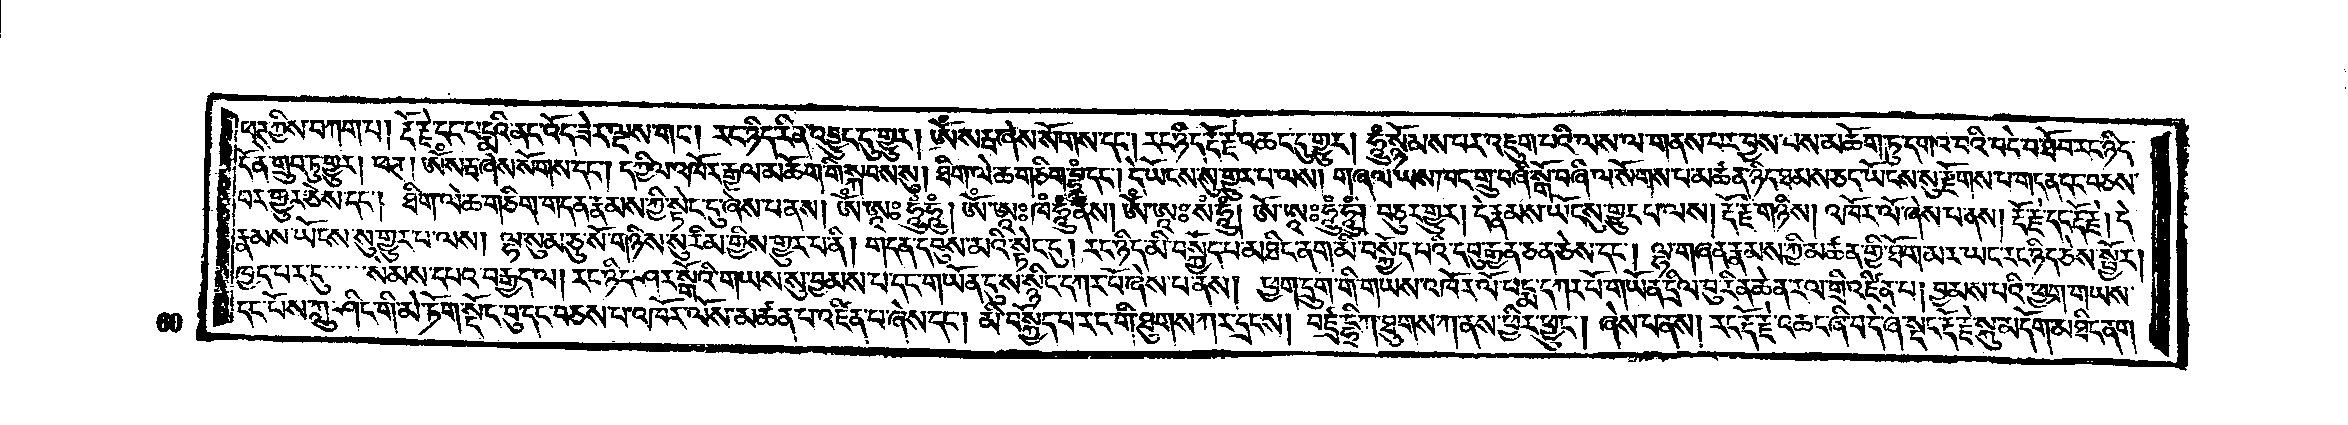ཕཊ་ཀྱིས་བཀག་པ། རྡོ་རྗེ་དང་པདམའི་ནང་འོད་ཟེར་ལྔས་གང་། རང་ཉིད་རིན་འབྱུང་དུ་གྱུར། ཨོཾ་སརྦ་ཞེས་སོགས་དང་། རང་ཉིད་རྡོ་རྗེ་འཆང་དུ་གྱུར། ཧཱུཾ་སྙོམས་པར་འཇུག་པའི་ལས་ལ་གནས་པར་བྱས་པས་མཆོག་ཏུ་དགའ་བའི་བདེ་བ་ཐོབ་རང་ཉིད་
དོན་གྲུབ་ཏུ་གྱུར། ཕཊ། ཨོཾ་སརྦ་ཞེས་སོགས་དང་། དཀྱིལ་འཁོར་རྒྱལ་མཆོག་གི་སྐབས་སུ། ཐིག་ལེ་ཆ་གཅིག་བྷྲཱུཾ་དང་། དེ་ཡོངས་སུ་གྱུར་པ་ལས། གཞལ་ཡས་ཁང་གྲུ་བཞི་སྒོ་བཞི་ལ་སོགས་པ་མཚན་ཉིད་ཐམས་ཅད་ཡོངས་སུ་རྫོགས་པ་གདན་དང་བཅས་
བར་གྱུར་ཅེས་དང་། ཐིག་ལེ་ཆ་གཅིག་གདན་རྣམས་ཀྱི་སྟེང་དུ་ཞེས་པ་ནས། ཨོཾ་ཨཱཿ ཧཱུཾ་ཧཱུཾ། ཨོཾ་ཨཱཿ ཁཾ་ཧཱུཾ་ནས། ཨོཾ་ཨཱཿ སཾ་ཧཱུཾ། ཨོཾ་ཨཱཿ ཧཱུཾ་ཧཱུཾ། བཅུར་གྱུར། དེ་རྣམས་ཡོངས་སུ་གྱུར་པ་ལས། རྡོ་རྗེ་གཉིས། འཁོར་ལོ་ཞེས་པ་ནས། རྡོ་རྗེ་དང་རྡོ་རྗེ། དེ་
རྣམས་ཡོངས་སུ་གྱུར་པ་ལས། ལྷ་སུམ་ཅུ་སོ་གཉིས་སུ་རིམ་གྱིས་གྱུར་པ་ནི། གདན་དབུས་མའི་སྟེང་དུ། རང་ཉིད་མི་བསྐྱོད་པ་མཐིང་ནག་མི་བསྐྱོད་པའི་དབུ་རྒྱན་ཅན་ཅེས་དང་། ལྷ་གཞན་རྣམས་ཀྱི་མཚན་གྱི་ཐོག་མར་ཡང་རང་ཉིད་ཅེས་སྦྱོར།
ཁྱད་པར་དུ་སེམས་དཔའ་བརྒྱད་ལ། རང་ཉིད་ཤར་སྒོའི་གཡས་སུ་བྱམས་པ་དང་གཡོན་དུ་ས་སྙིང་དཀར་པོ་ཞེས་པ་ནས། ཕྱག་དྲུག་གི་གཡས་འཁོར་ལོ་པདམ་དཀར་པོ་གཡོན་དྲིལ་བུ་རིན་ཆེན་རལ་གྲི་འཛིན་པ། བྱམས་པའི་ཕྱག་གཡས་
དང་པོས་ཀླུ་ཤིང་གི་མེ་ཏོག་སྡོང་བུ་དང་བཅས་པ་འཁོར་ལོས་མཚན་པ་འཛིན་པ་ཞེས་དང་། མི་བསྐྱོད་པ་རང་གི་ཐུགས་ཀར་དྲངས། བཛྲ་དྷྲིཀ་ཐུགས་ཀ་ནས་ཕྱིར་ཕྱུང་། ཞེས་པ་ནས། རང་རྡོ་རྗེ་འཆང་ཞི་བ་དེ་ཞེ་སྡང་རྡོ་རྗེ་སྐུ་མདོག་མཐིང་ནག་